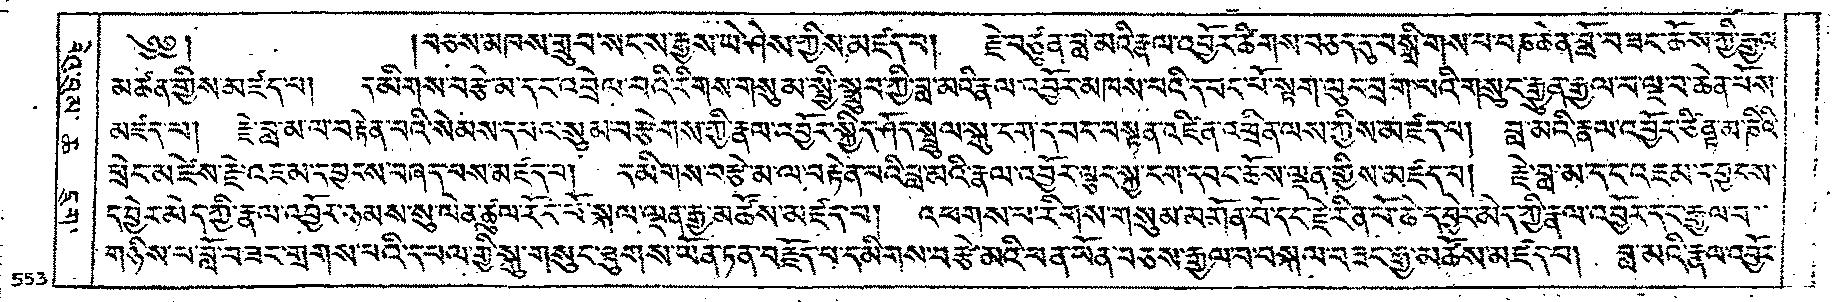༄༅། །བཅས་མཁས་གྲུབ་སངས་རྒྱས་ཡེ་ཤེས་ཀྱིས་མཛད་པ། རྗེ་བཙུན་བླ་མའི་རྣལ་འབྱོར་ཚིགས་བཅད་དུ་བསྒྲིགས་པ་པཎ་ཆེན་བློ་བཟང་ཆོས་ཀྱི་རྒྱལ་
མཚན་གྱིས་མཛད་པ། དམིགས་བརྩེ་མ་དང་འབྲེལ་བའི་རིགས་གསུམ་སྤྱི་སྒྲུབ་ཀྱི་བླ་མའི་རྣལ་འབྱོར་མཁས་པའི་དབང་པོ་སྟག་ལུང་བྲག་པའི་གསུང་རྒྱུན་རྒྱལ་བ་ལྔ་པ་ཆེན་པོས་
མཛད་པ། རྗེ་བླ་མ་ལ་བརྟེན་པའི་སེམས་དཔའ་སུམ་བརྩེགས་ཀྱི་རྣལ་འབྱོར་སྐྱིད་ཤོད་སྤྲུལ་སྐུ་ངག་དབང་བསྟན་འཛིན་འཕྲིན་ལས་ཀྱིས་མཛད་པ། བླ་མའི་རྣལ་འབྱོར་ཙིནྟ་མ་ཎིའི་
ཕྲེང་མཛེས་རྗེ་འཇམ་དབྱངས་བཞད་པས་མཛད་པ། དམིགས་བརྩེ་མ་ལ་བརྟེན་པའི་བླ་མའི་རྣལ་འབྱོར་ལྕང་སྐྱ་ངག་དབང་ཆོས་ལྡན་གྱིས་མཛད་པ། རྗེ་བླ་མ་དང་འཇམ་དབྱངས་
དབྱེར་མེད་ཀྱི་རྣལ་འབྱོར་ཉམས་སུ་ལེན་ཚུལ་རོང་པོ་སྐལ་ལྡན་རྒྱ་མཚོས་མཛད་པ། འཕགས་པ་རིགས་གསུམ་མགོན་པོ་དང་རྗེ་རིན་པོ་ཆེ་དབྱེར་མེད་ཀྱི་རྣལ་འབྱོར་དང་རྒྱལ་བ་
གཉིས་པ་བློ་བཟང་གྲགས་པའི་དཔལ་གྱི་སྐུ་གསུང་ཐུགས་ཡོན་ཏན་བརྗོད་པ་དམིགས་བརྩེ་མའི་ཕན་ཡོན་བཅས་རྒྱལ་བ་བསྐལ་བཟང་རྒྱ་མཚོས་མཛད་པ། བླ་མའི་རྣལ་འབྱོར་